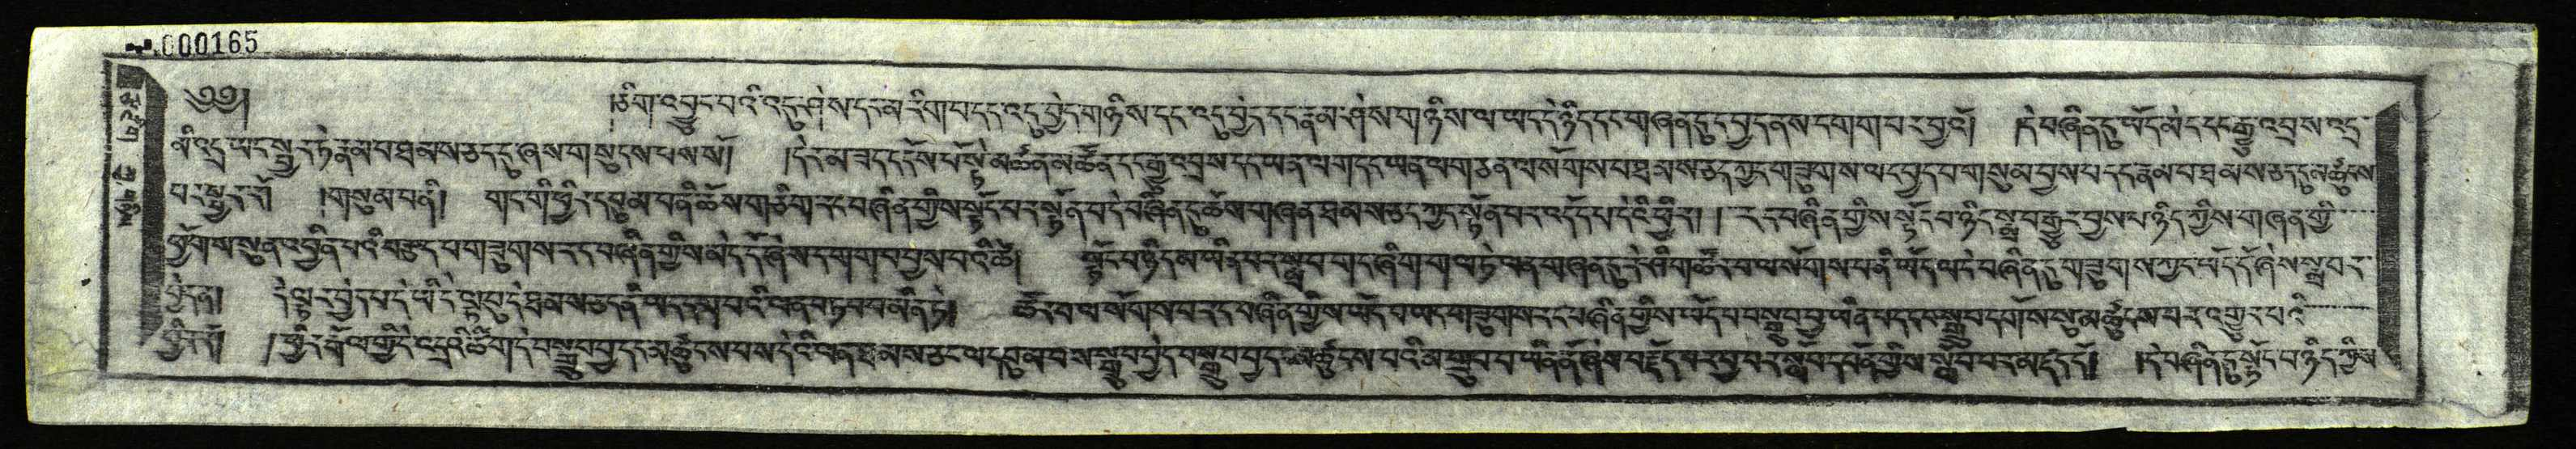༄༅། །ཅིག་འབྱུང་བའི་འདུ་ཤེས་དང་མ་རིག་པ་དང་འདུ་བྱེད་གཉིས་དང་འདུ་བྱེད་དང་རྣམ་ཤེས་གཉིས་ལ་ཡང་དེ་ཉིད་དང་གཞན་དུ་དབྱད་ནས་དགག་པར་བྱའོ། །དེ་བཞིན་དུ་ཡོད་མེད་དང་རྒྱུ་འབྲས་འདྲ་
མི་འདྲ་ཡང་སྦྱར་ཏེ་རྣམ་པ་ཐམས་ཅད་དུ་ཞེས་གསུངས་པས་སོ། །དེར་མ་ཟད་དངོས་པོ་སྟེ་མཚན་མཚོན་དང་རྒྱུ་འབྲས་དང་ཡན་ལག་དང་ཡན་ལག་ཅན་ལ་སོགས་པ་ཐམས་ཅད་ཀྱང་གཟུགས་ལ་དཔྱད་པ་གསུམ་བྱས་པ་དང་རྣམ་པ་ཐམས་ཅད་དུ་མཚུངས་
པར་སྦྱར་རོ། །གསུམ་པ་ནི། གང་གི་ཕྱིར་དབུ་མ་པ་ནི་ཆོས་གཅིག་རང་བཞིན་གྱིས་སྟོང་པར་སྟོན་པ་དེ་བཞིན་དུ་ཆོས་གཞན་ཐམས་ཅད་ཀྱང་སྟོན་པར་འདོད་པ་དེའི་ཕྱིར། རང་བཞིན་གྱིས་སྟོང་པ་ཉིད་སྨྲ་བ་རྒྱུར་བྱས་པ་ཉིད་ཀྱིས་གཞན་གྱི་
ཕྱོགས་སུན་འབྱིན་པའི་བརྩད་པ་གཟུགས་རང་བཞིན་གྱིས་མེད་དོ་ཞེས་དགག་པ་བྱས་པའི་ཚེ། སྟོང་པ་ཉིད་མ་ཡིན་པར་སྨྲ་བ་གང་ཞིག་གལ་ཏེ་ལན་གཞན་དུ་རེ་ཤིག་ཚོར་བ་ལ་སོགས་པ་ནི་ཡོད་ལ་དེ་བཞིན་དུ་གཟུགས་ཀྱང་ཡོད་དོ་ཞེས་སྨྲ་བར་
བྱེད་ན། དེ་ལྟར་བྱེད་པ་དེ་ཡི་དེ་ལྟ་བུ་དེ་ཐམས་ཅད་ནི་ཡང་དག་པའི་ལན་བཏབ་པ་མིན་ཏེ། ཚོར་བ་ལ་སོགས་པ་རང་བཞིན་གྱིས་ཡོད་པ་ཡང་གཟུགས་རང་བཞིན་གྱིས་ཡོད་པ་བསྒྲུབ་བྱ་ཡིན་པ་དང་བསྒྲུབ་དགོས་སུ་མཚུངས་པར་འགྱུར་པའི་
ཕྱིར་རོ། །ཕྱིར་རྒོལ་གྱི་དེ་འདྲའི་ཚིག་དེ་བསྒྲུབ་བྱ་དང་མཚུངས་པས་དེའི་ལན་ཐམས་ཅད་ལ་དབུ་མ་པས་སྒྲུབ་བྱེད་བསྒྲུབ་བྱ་དང་མཚུངས་པའི་མ་གྲུབ་པ་ཡིན་ནོ་ཞེས་བརྗོད་པར་བྱ་བར་སློབ་དཔོན་གྱིས་སློབ་པར་མཛད་དོ། །དེ་བཞིན་དུ་སྟོང་པ་ཉིད་ཀྱིས་